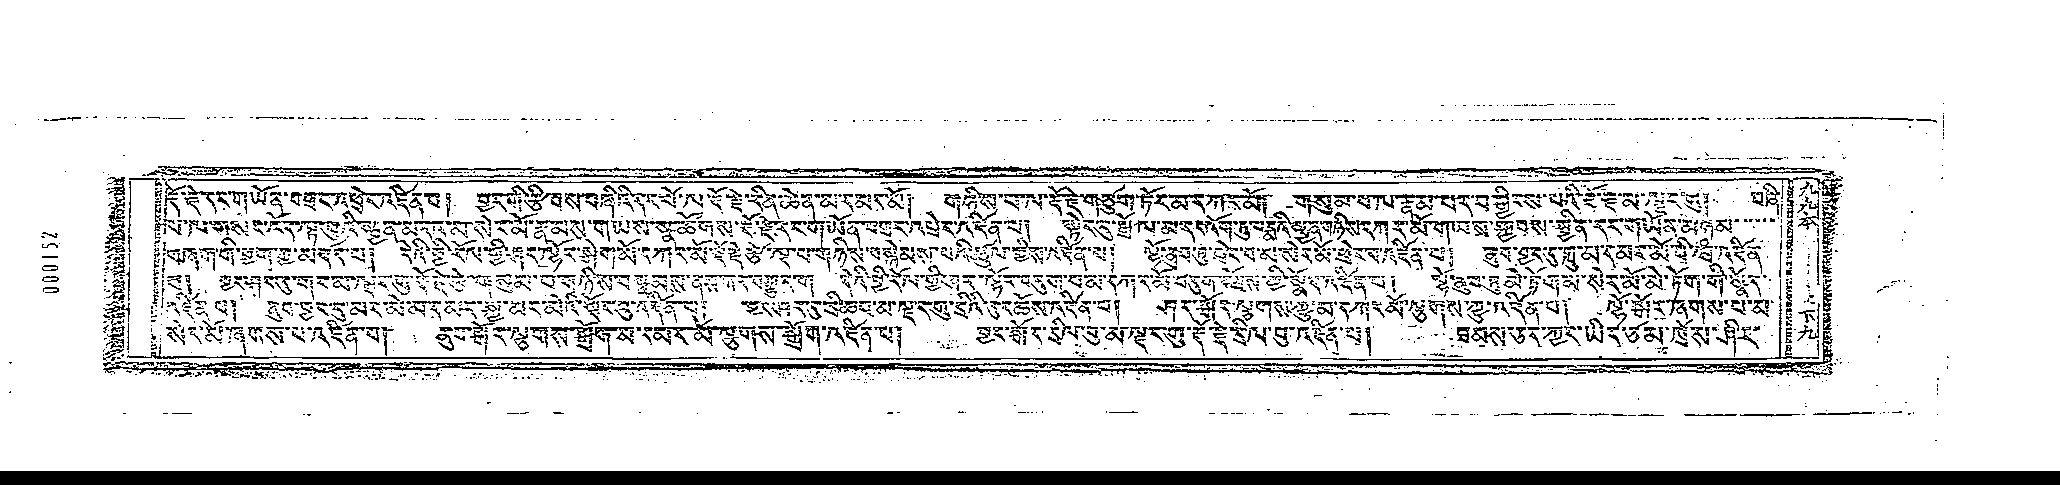རྡོ་རྗེ་དང་གཡོན་བགྲང་འཕེང་འཛིན་པ། བྱང་གི་རྩིབས་བཞིའི་དང་པོ་ལ་རྡོ་རྗེ་རིན་ཆེན་མ་དམར་མོ། གཉིས་པ་ལ་རྡོ་རྗེ་གཙུག་ཏོར་མ་དཀར་མོ། གསུམ་པ་ལ་རྣམ་པར་བགྱིངས་པའི་རྡོ་རྗེ་མ་ལྗང་གུ། བཞི་
པ་ལ་གསེར་འོད་ལྟ་བུའི་སྤྱན་མངའ་མ་སེར་མོ་རྣམས་གཡས་སྣ་ཚོགས་རྡོ་རྗེ་དང་གཡོན་བགྲང་འཕྲེང་འཛིན་པ། སྟེང་དུ་སྒྲོལ་མ་དང་འོག་ཏུ་པདམའི་སྤྱན་གཉིས་དགར་མོ་གཡས་སྐྱབས་སྦྱིན་དང་གཡོན་མཉམ་
གཞག་གི་ཕྱག་རྒྱ་མཛད་པ། དེའི་ཕྱི་རོལ་གྱི་ཤར་ལྷོར་སྒེག་མོ་དཀར་མོ་རྡོ་རྗེ་རྩེ་ལྔ་པ་གཉིས་བསྙེམས་པའི་ཚུལ་གྱིས་འཛིན་པ། ལྷོ་ནུབ་ཏུ་ཕྲེང་བ་མ་སེར་མོ་ཕྲེང་བ་འཛིན་པ། ནུབ་བྱང་ཏུ་གླུ་མ་དམར་མོ་པི་ཝི་འཛིན་
པ། བྱང་ཤར་དུ་གར་མ་ལྗང་གུ་རྡོ་རྗེ་རྩེ་གསུམ་པ་གཉིས་བསྣམས་ནས་གར་བསྒྱུར་བ། དེའི་ཕྱི་རོལ་གྱི་ཤར་ལྷོར་བདུག་པ་མ་དཀར་མོ་བདུག་སྤོས་ཀྱི་སྣོད་འཛིན་པ། ལྷོ་ནུབ་ཏུ་མེ་ཏོག་མ་སེར་མོ་མེ་ཏོག་གི་སྣོད་
འཛིན་པ། ནུབ་བྱང་དུ་མ་རེ་མེ་མད་མར་སྐྱ་མར་མེའི་སྡོང་བུ་འཛིན་པ། བྱང་ཤར་དུ་དྲི་ཆབ་མ་ལྗང་གུ་དྲིའི་དུང་ཆོས་འཛིན་པ། ཤར་སྒོར་ལྕགས་ཀྱུ་མ་དཀར་མོ་ལྕགས་ཀྱུ་འཛིན་པ། ལྷོ་སྒོར་ཞགས་པ་མ་
སེར་མོ་ཞགས་པ་འཛིན་པ། ནུབ་སྒོར་ལྕགས་སྒྲོག་མ་དམར་མོ་ལྕགས་སྒྲོག་འཛིན་པ། བྱང་སྒོར་དྲིལ་བུ་མ་ལྗང་གུ་རྡོ་རྗེ་དྲིལ་བུ་འཛིན་པ། ཐམས་ཅད་ཀྱང་ཡིད་ཙམ་ཁྲོས་ཤིང་